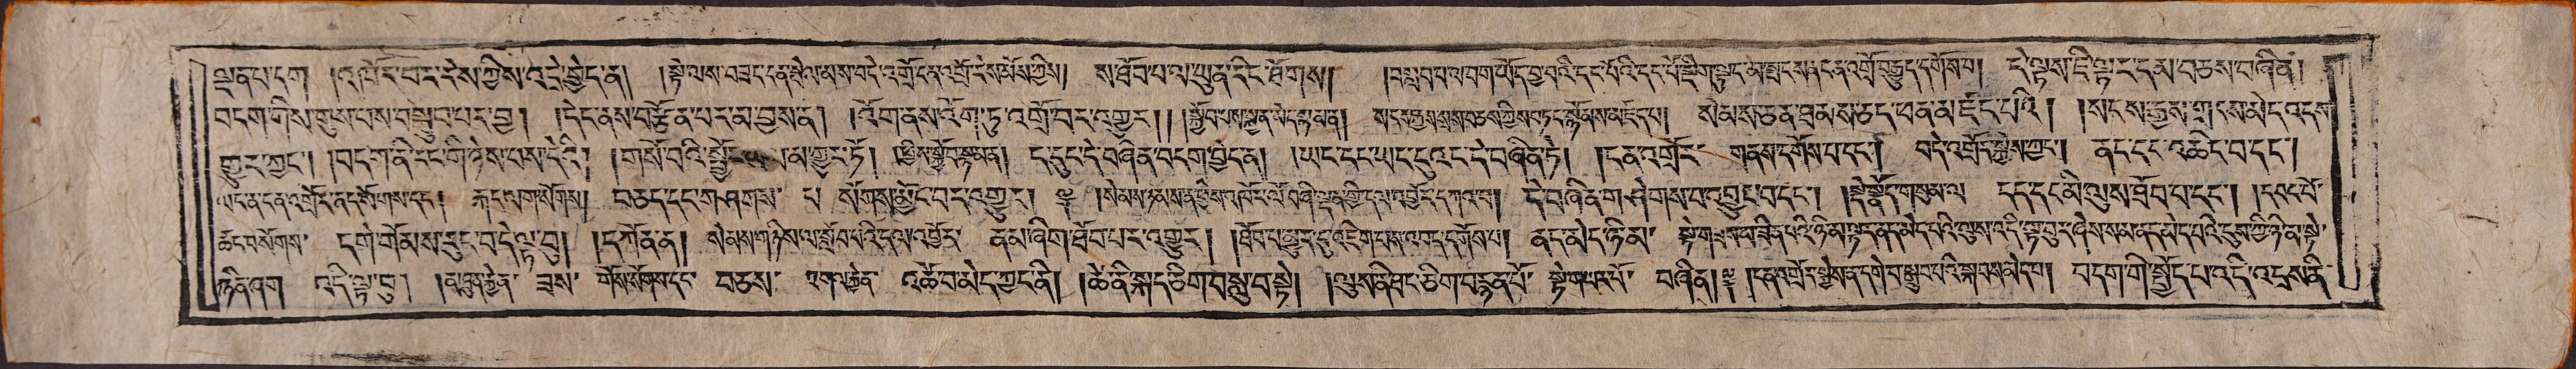ལྡན་པ་དག །འཁོར་བར་རེས་ཀྱིས་འདྲེ་བྱེད་ན། །སྟེ་ལས་བཟང་ངན་སྤེལ་མས་བདེ་འགྲོ་ངན་འགྲོ་རེས་མོས་ཀྱིས་ས་ཐོབ་པ་ལ་ཡུན་རིང་ཐོགས། བསླབ་པ་ལ་བག་ཡོད་བྱ་བའི་དང་པོའི་དང་པོ་སྡིག་ལྟུང་མ་སྤངས་ན་ངན་འགྲོ་བརྒྱུད་དགོས་པ།  དེ་ལྟས་ཇི་ལྟར་དམ་བཅས་བཞིན། །
བདག་གིས་གུས་པས་བསྒྲུབ་བར་བྱ། །དེང་ནས་བརྩོན་པར་མ་བྱས་ན། །འོག་ནས་འོག་ཏུ་འགྲོ་བར་འགྱུར། ༈ །སྐྱོབ་པས་སྐྱོན་མེད་སྙམ་ན། སངས་རྒྱས་སྲས་བཅས་ཀྱིས་བཏང་སྙོམས་མཛད་པ།  སེམས་ཅན་ཐམས་ཅད་ཕན་མཛད་པའི། །སངས་རྒྱས་གྲངས་མེད་འདས་
གྱུར་ཀྱང་། །བདག་ནི་རང་གི་ཉེས་པས་དེའི། །གསོ་བའི་སྤྱོད་ཡུལ་མ་གྱུར་ཏོ། །ཕྱིས་སྐྱོབ་སྙམ་ན།  ད་དུང་དེ་བཞིན་བདག་བྱེད་ན། །ཡང་དང་ཡང་དུའང་དེ་བཞིན་ཏེ། །ངན་འགྲོར་གནས་དགོས་པ་དང་། བདེ་འགྲོར་སྐྱེས་ཀྱང་།  ནང་དང་འཆིང་བ་དང་། །
ཡང་ན་ངན་འགྲོར་ནད་སོགས་དང་། རྐང་ལག་སོགས་བཅད་དང་གཤེགས་པ་སོགས་མྱོང་བར་འགྱུར། ༈ །སེམས་ཉམས་ན་ཕྱིས་འཁོར་ལོ་བཞི་ལྡན་གྱི་དལ་འབྱོར་དཀའ་བ།  དེ་བཞིན་གཤེགས་པ་འབྱུང་བ་དང་། །སྡེ་སྣོད་གསུམ་ལ་དད་དང་མི་ལུས་ཐོབ་པ་དང་། དབང་པོ་
ཚང་བ་སོགས་དགེ་གོམས་རུང་བ་དེ་ལྟ་བུ། །དཀོན་ན་སེམས་གཉིས་ལ་སློབ་པའི་དལ་འབྱོར་ནམ་ཞིག་ཐོབ་པར་འགྱུར། །ཐོབ་པ་མྱུར་དུ་འཇིག་པས་འབད་དགོས་པ།  ནད་མེད་ཉི་མ་སྟེ་གཟས་མ་ཟིན་པའི་ཉི་མ་ལྟར་ནད་མེད་པའི་ལུས་འདི་ལྟ་བུར་ཞེས་སམ་ནས་མེད་པའི་དུས་ཀྱི་ཉི་མ་སྟེ་
ཉིན་ཞག་འདི་ལྟ་བུ། །མཐུན་རྐྱེན་ཟས་གོས་སོགས་དང་བཅས་འགལ་རྐྱེན་འཚེ་བ་མེད་ཀྱང་ནི། །ཚེ་ནི་སྐད་ཅིག་བསླུ་བ་སྟེ། །ལུས་ནི་ཐང་ཅིག་བརྙན་པོ་སྟེ་གཡར་པོ་བཞིན། ༈ །ངན་འགྲོར་སྐྱེས་ན་དགེ་བ་སྒྲུབ་པའི་སྐབས་མེད་པ།  བདག་གི་སྤྱོད་པ་འདི་འདྲས་ནི། །